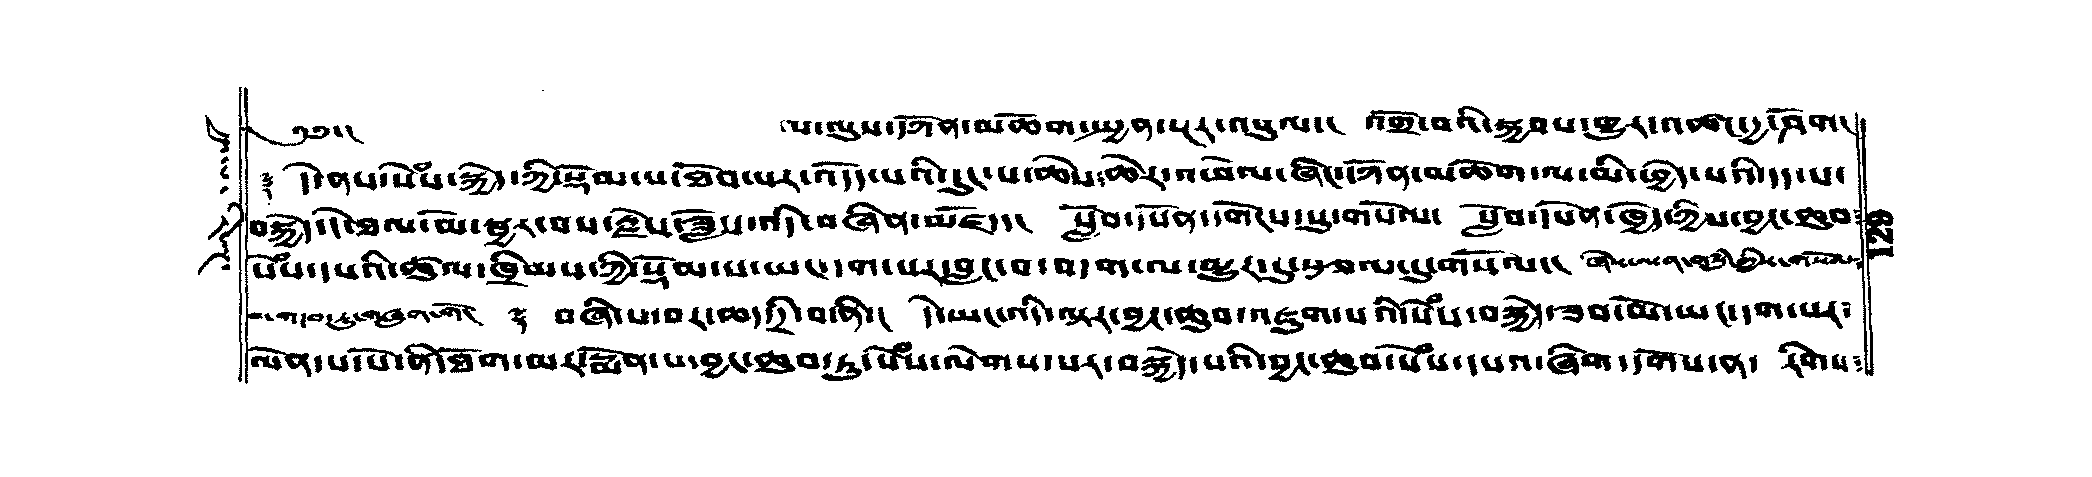མ་ལུས་དཀོན་མཆོག་སྤྱན་སྔར་འབུལ། འགྲོ་བའི་སྐྱབས་གྱུར་འཚང་རྒྱ་ཤོག 
༈ དེ་ནས་སེམས་སྐྱེད་ཀྱི་སྡོམ་པ་ཐོབ་པར་འདོད་པའི་དུང་པ་ཆེས་ཆེར་འཕེལ་ཞིང་དཀོན་མཆོག་ལ་མི་ཕྱེད་པའི་དད་པ་
བསྐྱེད་དེ་ཐལ་མོ་སྦྱར་བས་རྗེས་ཟློས་འདི་བཞིན་མཛོད། སློབ་དཔོན་དགོངས་སུ་གསོལ། སློབ་དཔོན་ཁྱེད་ཀྱིས་བྱང་ཆུབ་
སེམས་དཔའི་ཚུལ་ཁྲིམས་ཀྱི་སྡོམ་པ་ཡང་དག་པར་བླང་བ་བདག་ལ་མྱུར་དུ་སྩལ་དུ་གསོལ། ཞེས་ལན་གསུམ་གྱིས་གསོལ་
བ་གདབ་ཏུ་གཞུག་གོ ༈ བཞི་པ་བར་ཆད་དྲི་བ་ནི། དེ་ཡང་འདི་ལྟར་བྱང་ཆུབ་འཇུག་པའི་སེམས་བསྐྱེད་ཟབ་མོ་ཡང་དག་པར་
ལེན་པ་པོ་ནི་ཐོག་མར་སྨོན་པ་བྱང་ཆུབ་ཏུ་སེམས་ལེགས་པར་བསྐྱེད་པའི་བྱང་ཆུབ་སེམས་དཔའ་ཞིག་དགོས་ན། རིགས་